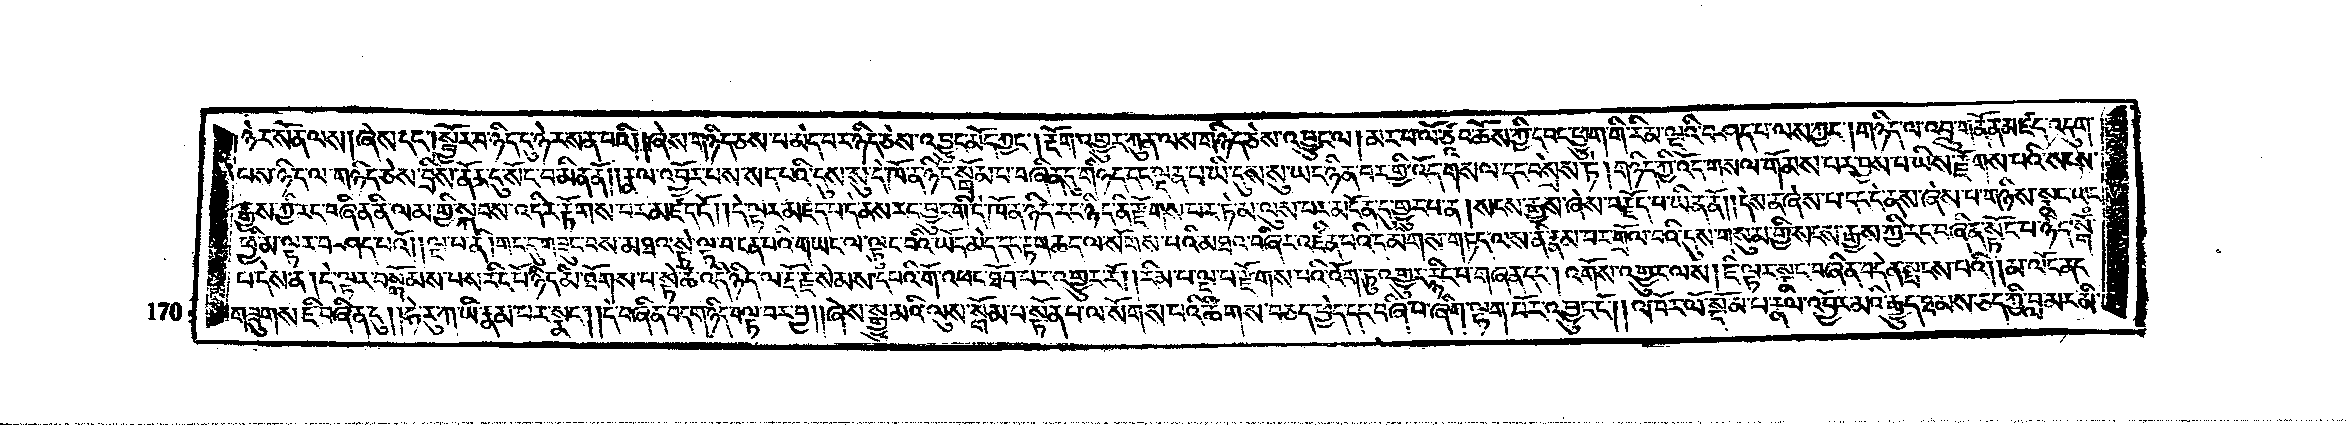ཉེར་སོན་ལས། ཞེས་དང་། སྦྱོར་བ་ཉིད་དུ་ཉེར་སན་པའོ། །ཞེས་གཉིད་ཅས་པ་མེད་པར་ཉིད་ཅེས་འབྱུང་མོད་ཀྱང་། རྡོག་འགྱུར་ཀུན་ལས་གཉིད་ཅེས་འབྱུང་ལ། མར་པ་ལོ་ཙཱ་བ་ཆོས་ཀྱི་དབང་ཕྱུག་གི་རིམ་ལྔའི་བཤད་པ་ལས་ཀྱང་། གཉིད་ལ་འབྲུ་གནོན་མཛད་འདུག་
པས་ཉིད་ལ་གཉིད་ཅེས་བྲིས་ནོར་དུ་སོང་བ་མིན་ནོ། །རྣལ་འབྱོར་པས་སད་པའི་དུས་སུ་དེ་ཁོ་ན་ཉིད་སྒོམ་པ་བཞིན་དུ་གཉིད་དང་ལྡན་པ་ཡི་དུས་སུ་ཡང་ཉིན་པར་གྱི་འོད་གསལ་དང་བསྲེས་ཏེ། གཉིད་ཀྱི་འོང་གསལ་གོམས་པར་བྱས་པ་ཡིས་རྫོགས་པའི་སངས་
རྒྱས་ཀྱི་རང་བཞིན་ནི་ལམ་གྱི་སྐབས་འདིར་རྟོགས་པར་མཛད་དོ། །དེ་ལྟར་མཛད་པ་དེ་ནས་རང་བྱུང་གི་དེ་ཁོ་ན་ཉིད་རང་ཉིད་ནི་རྫོགས་པར་ཏེ་མ་ལུས་པར་མངོན་དུ་གྱུར་པ་ན། སངས་རྒྱས་ཞེས་བརྗོད་པ་ཡིན་ནོ། །དེས་ན་ཞེས་པ་དང་དེ་ནས་ཞེས་པ་གཉིས་སྣང་ཡང་
ཕྱི་མ་ལྟར་བཤད་པའོ། །ལྔ་པ་ནི། གང་དུ་གཟུང་བས་མཐའ་སྟེ་ལྟ་བ་ངན་པའི་གཡང་ལ་ལྟུང་བའི་ཡོད་མེད་དང་རྟག་ཆད་ལ་སོགས་པའི་མཐའ་བཞིར་འཛིན་པའི་དམིགས་གཏད་ལས་ནི་རྣམ་པར་གྲོལ་བའི་དུས་གསུམ་གྱི་སངས་རྒྱས་ཀྱི་རང་བཞིན་སྟོང་པ་ཉིད་སྒོམ་
པ་དེས་ནི། དེ་ལྟར་བསྒོམས་པས་རིང་པོ་ཉིད་མི་ཐོགས་པ་སྟེ་ཚེ་འདི་ཉིད་ལ་རྡོ་རྗེ་སེམས་དཔའི་གོ་འཕང་ཐོབ་པར་འགྱུར་རོ། །རིམ་པ་ལྔ་པ་རྫོགས་པའི་འོག་ཏུ་འགྱུར་རྙིང་པ་གཞན་དང་། འགོས་འགྱུར་ལས། ཇི་ལྟར་སྣང་བཞིན་བདན་སྤངས་པའི། །མ་ལོང་ནང་
གཟུགས་ཇི་བཞིན་དུ། །ཧེ་རུ་ཀ་ཡི་རྣམ་པར་སྣང་། །དེ་བཞིན་བདག་ཉིད་བལྟ་བར་བྱ། །ཞེས་སྒྱུ་མའི་ལུས་སྒོམ་པ་སྟོན་པ་ལ་སོགས་པའི་ཚིགས་བཅད་ཕྱེད་དང་བཞི་པ་ཞིག་ལྷག་པོར་འབྱུང་ངོ། །འཁོར་ལོ་སྡོམ་པ་རྣལ་འབྱོར་མའི་རྒྱུད་ཐམས་ཅད་ཀྱི་བླ་མར་མི་